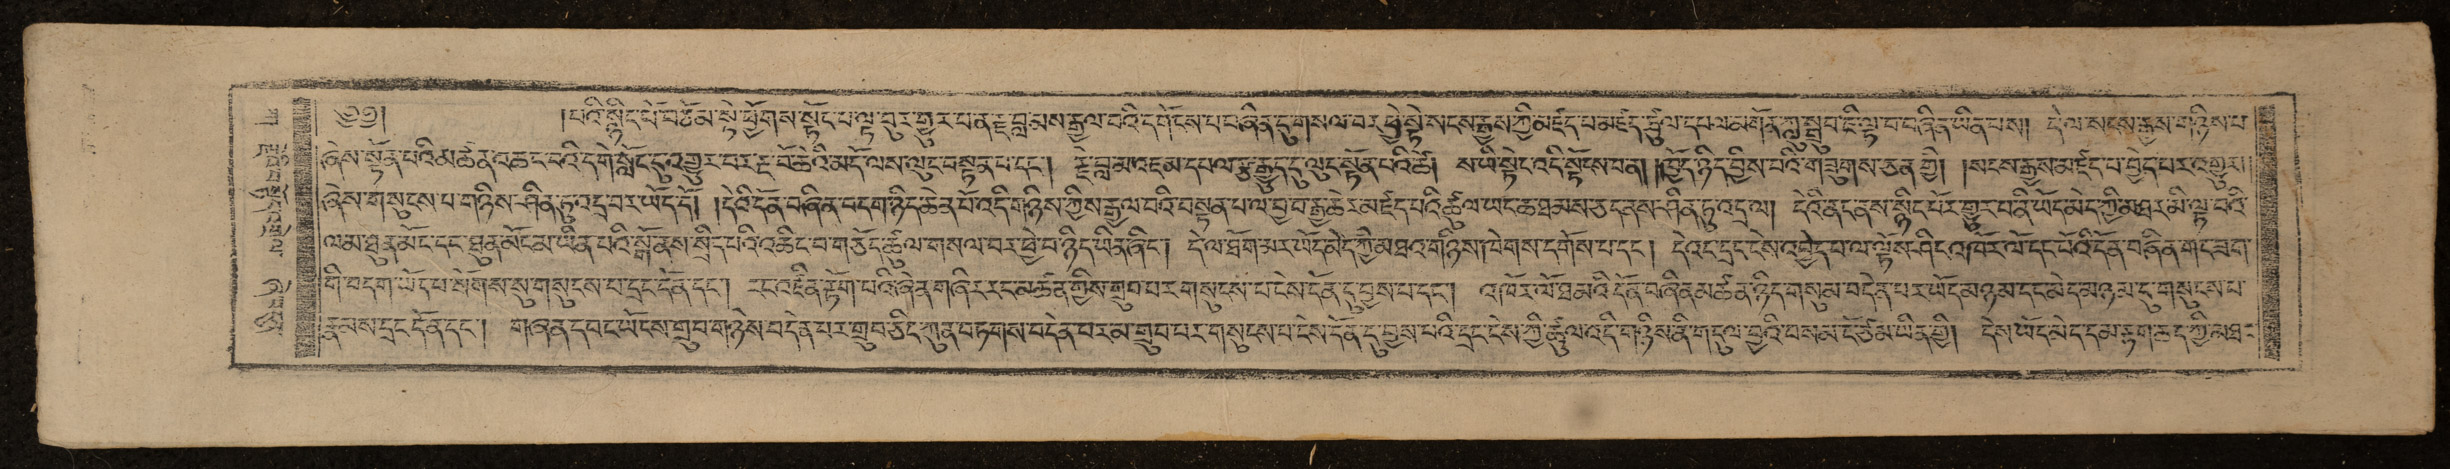༄༅། །བའི་སྙིང་བོ་བཅོམ་སྟེ་ཕྱོགས་སྟོང་པ་ལྟ་བུར་གྱུར་པ་ན་རྗེ་བླ་མས་རྒྱལ་བའི་དགོངས་བ་བཞིན་དུ་གསལ་བར་ཕྱེ་སྟེ་སངས་རྒྱས་ཀྱི་མཛད་པ་མཛད་ཚུལ་དཔལ་མགོན་ཀླུ་སྒྲུབ་ཇི་ལྟ་བ་བཞིན་ཡིན་པས། དེ་ལ་སངས་རྒྱས་གཉིས་པ་
ཞེས་སྟོན་པའི་མཚན་འཆང་བའི་དགེ་སློང་དུ་འགྱུར་བར་རྔ་བོ་ཆེའི་མདོ་ལས་ལུང་བསྟན་པ་དང་། རྗེ་བླ་མ་འཇམ་དཔལ་རྩ་རྒྱུད་དུ་ལུང་སྟོན་བའི་ཚེ། ས་ཡི་སྟེང་འདི་སྟོངས་བ་ན། །ཁྱོད་ཉིད་བྱིས་པའི་གཟུགས་ཅན་གྱི། །སངས་རྒྱས་མཛད་པ་བྱེད་བར་འགྱུར།།
ཞེས་གསུངས་པ་གཉིས་ཤིན་ཏུ་འདྲ་བར་ཡོད་དོ། །དེའི་དོན་བཞིན་བདག་ཉིད་ཆེན་པོ་འདི་གཉིས་ཀྱིས་རྒྱལ་བའི་བསྟན་པ་ལ་བྱ་བ་རྒྱ་ཆེར་མཛད་པའི་ཚུལ་ཡང་ཆ་ཐམས་ཅད་ནས་ཤིན་ཏུ་འདྲ་ལ། དེའི་ནང་ནས་སྙིང་པོར་གྱུར་པ་ནི་ཡོད་མེད་ཀྱི་མཐར་མི་ལྟ་བའི་
ལམ་ཐུན་མོང་དང་ཐུན་མོང་མ་ཡིན་པའི་སྒོ་ནས་སྲིད་པའི་འཆིང་བ་གཅོད་ཚུལ་གསལ་བར་ཕྱེ་བ་ཉིད་ཡིན་ཞིང་། དེ་ལ་ཐོག་མར་ཡོད་མེད་ཀྱི་མཐའ་གཉིས་ཁེགས་དགོས་པ་དང་། དེའང་དྲང་ངེས་འབྱེད་བ་ལ་ལྟོས་ཤིང་འཁོར་ལོ་དང་པོའི་དོན་བཞིན་གང་ཟག་
གི་བདག་ཡོད་པ་སོགས་སུ་གསུངས་བ་དྲང་དོན་དང་། རང་འཛིན་རྟོག་བའི་ཞེན་གཞིར་རང་མཚན་གྱིས་གྲུབ་པར་གསུངས་བ་ངེས་དོན་དུ་བྱས་བ་དང་། འཁོར་ལོ་ཐ་མའི་དོན་བཞིན་མཚན་ཉིད་གསུམ་བདེན་བར་ཡོད་མཉམ་དང་མེད་མཉམ་དུ་གསུངས་པ་
རྣམས་དྲང་དོན་དང་། གཞན་དབང་ཡོངས་གྲུབ་གཉིས་བདེན་པར་གྲུབ་ཅིང་ཀུན་བཏགས་བདེན་པར་མ་གྲུབ་པར་གསུངས་པ་ངེས་དོན་དུ་བྱས་པའི་དྲང་ངེས་ཀྱི་ཚུལ་འདི་གཉིས་ནི་གདུལ་བྱའི་བསམ་ངོ་ཙམ་ཡིན་གྱི། དེས་ཡོད་མེད་དམ་རྟག་ཆད་ཀྱི་མཐའ་